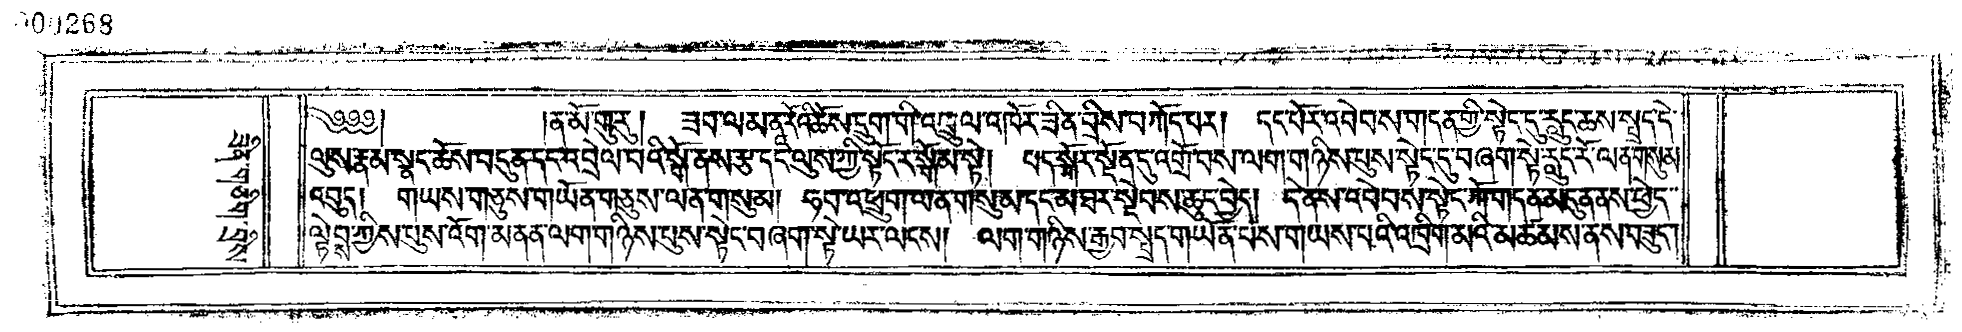༄༅༅། །ན་མོ་གུ་རུ། ཟབ་ལམ་ནཱ་རོའི་ཆོས་དྲུག་གི་འཕྲུལ་འཁོར་ཟིན་བྲིས་བཀོད་པར། དང་པོར་འབེབས་གདན་གྱི་སྟེང་དུ་རླུང་ཆས་སྤྲད་དེ་
ལུས་རྣམ་སྣང་ཆོས་བདུན་དང་འབྲེལ་བའི་སྒོ་ནས་རྩ་དང་ལུས་ཀྱི་སྟོང་ར་སྒོམ་སྟེ། པད་སྐོར་སྔོན་དུ་འགྲོ་བས་ལག་གཉིས་པུས་སྟེང་དུ་བཞག་སྟེ་རླུང་རོ་ལན་གསུམ་
འབུད༑ གཡས་གཅུས་གཡོན་གཅུས་ལན་གསུམ། ཧབ་འཕྲུག་ལན་གསུམ་དང་མཐར་སྡེབས་ཆུང་བྱེད། དེ་ནས་འབེབས་སྟེང་ཀོ་གདན་མདུན་ནས་ཕྱེད་
ལྟེབས་ཀྱིས་པུས་འོག་མནན་ལག་གཉིས་པུས་སྟེང་བཞག་སྟེ་ཡར་ལངས། ལག་གཉིས་རྒྱབ་སྤྲད་གཡོན་པས་གཡས་པའི་འཁྲིག་མའི་མཚམས་ནས་བཟུང་།